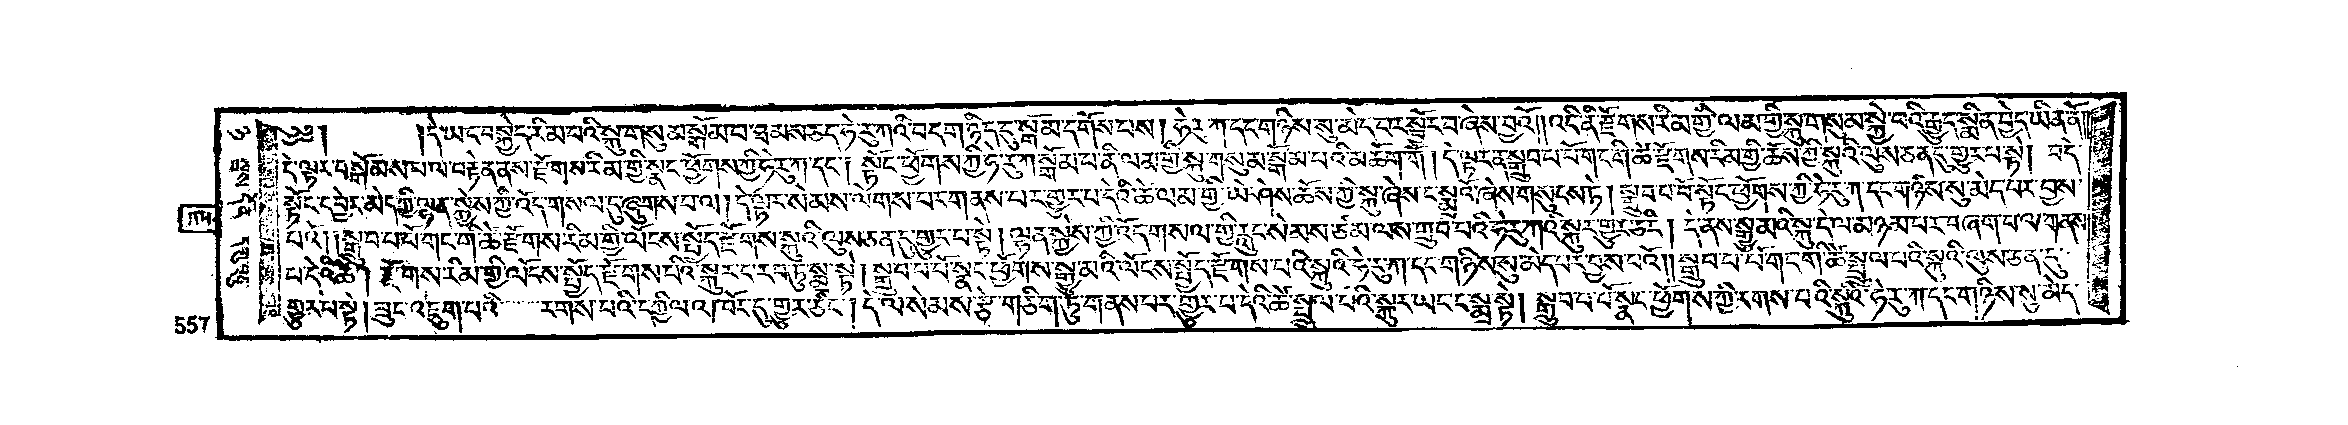༄༅། །དེ་ཡང་བསྐྱེད་རིམ་པའི་སྐུ་གསུམ་སྒོམ་པ་ཐམས་ཅད་ཧེ་རུ་ཀའི་བདག་ཉིད་དུ་སྒོམ་དགོས་པས། ཧེ་རུ་ཀ་དང་གཉིས་སུ་མེད་པར་སྦྱོར་བ་ཞེས་བྱའོ། །འདི་ནི་རྫོགས་རིམ་གྱི་ལམ་གྱི་སྐུ་གསུམ་སྐྱེ་བའི་རྒྱུད་སྨིན་བྱེད་ཡིན་ནོ། །
དེ་ལྟར་བསྒོམས་པ་ལ་བརྟེན་ནས་རྫོགས་རིམ་གྱི་སྣང་ཕྱོགས་ཀྱི་ཧེ་རུ་ཀ་དང་། སྟོང་ཕྱོགས་ཀྱི་ཧེ་རུ་ཀ་སྒོམ་པ་ནི་ལམ་གྱི་སྐུ་གསུམ་སྒོམ་པའི་མཆོག་གོ །དེ་ལྟར་ན་སྒྲུབ་པ་པོ་གང་གི་ཚེ་རྫོགས་རིམ་གྱི་ཆོས་ཀྱི་སྐུའི་ལུས་ཅན་དུ་གྱུར་པ་སྟེ། བདེ་
སྟོང་དབྱེར་མེད་ཀྱི་ལྷན་སྐྱེས་ཀྱི་འོད་གསལ་དུ་ཞུགས་པ་ལ། དེ་ལྟར་སེམས་ལེགས་པར་གནས་པར་གྱུར་པ་དེའི་ཚེ་ལམ་གྱི་ཡེ་ཤེས་ཆོས་ཀྱི་སྐུ་ཞེས་ང་?་སྨྲའོ་ཞེས་གསུངས་ཏེ། སྒྲུབ་པ་པོ་སྟོང་ཕྱོགས་ཀྱི་ཧེ་རུ་ཀ་དང་གཉིས་སུ་མེད་པར་བྱས་
པའོ། །སྒྲུབ་པ་པོ་གང་གི་ཚེ་རྫོགས་རིམ་གྱི་ལོངས་སྤྱོད་རྫོགས་སྐུའི་ལུས་ཅན་དུ་གྱུར་པ་སྟེ། ལྷན་སྐྱེས་ཀྱི་འོད་གསལ་གྱི་རླུང་སེམས་ཙམ་ལས་གྲུབ་པའི་ཧེ་རུ་ཀའི་སྐུར་གྱུར་ཅིང་། དེ་ནས་སྒྱུ་མའི་སྐུ་དེ་ལ་མཉམ་པར་བཞག་པ་ལ་གནས་
པ་དེའི་ཚེ། རྫོགས་རིམ་གྱི་ལོངས་སྤྱོད་རྫོགས་པའི་སྐུར་ང་?་རབ་ཏུ་སྨྲ་སྟེ། སྒྲུབ་པ་པོ་སྣང་ཕྱོགས་སྒྱུ་མའི་ལོངས་སྤྱོད་རྫོགས་པའི་སྐུའི་ཧེ་རུ་ཀ་དང་གཉིས་སུ་མེད་པར་བྱས་པའོ། །སྒྲུབ་པ་པོ་གང་གི་ཚེ་སྤྲུལ་པའི་སྐུའི་ལུས་ཅན་དུ་
གྱུར་པ་སྟེ། ཟུང་འཇུག་པའི་རགས་པའི་དཀྱིལ་འཁོར་དུ་གྱུར་ཅིང་། དེ་ལ་སེམས་རྩེ་གཅིག་ཏུ་གནས་པར་གྱུར་པ་དེའི་ཚེ་སྤྲུལ་པའི་སྐུར་ཡང་ང་སྨྲ་སྟེ། སྒྲུབ་པ་པོ་སྣང་ཕྱོགས་ཀྱི་རགས་པའི་སྐུའི་ཧེ་རུ་ཀ་དང་གཉིས་སུ་མེད་